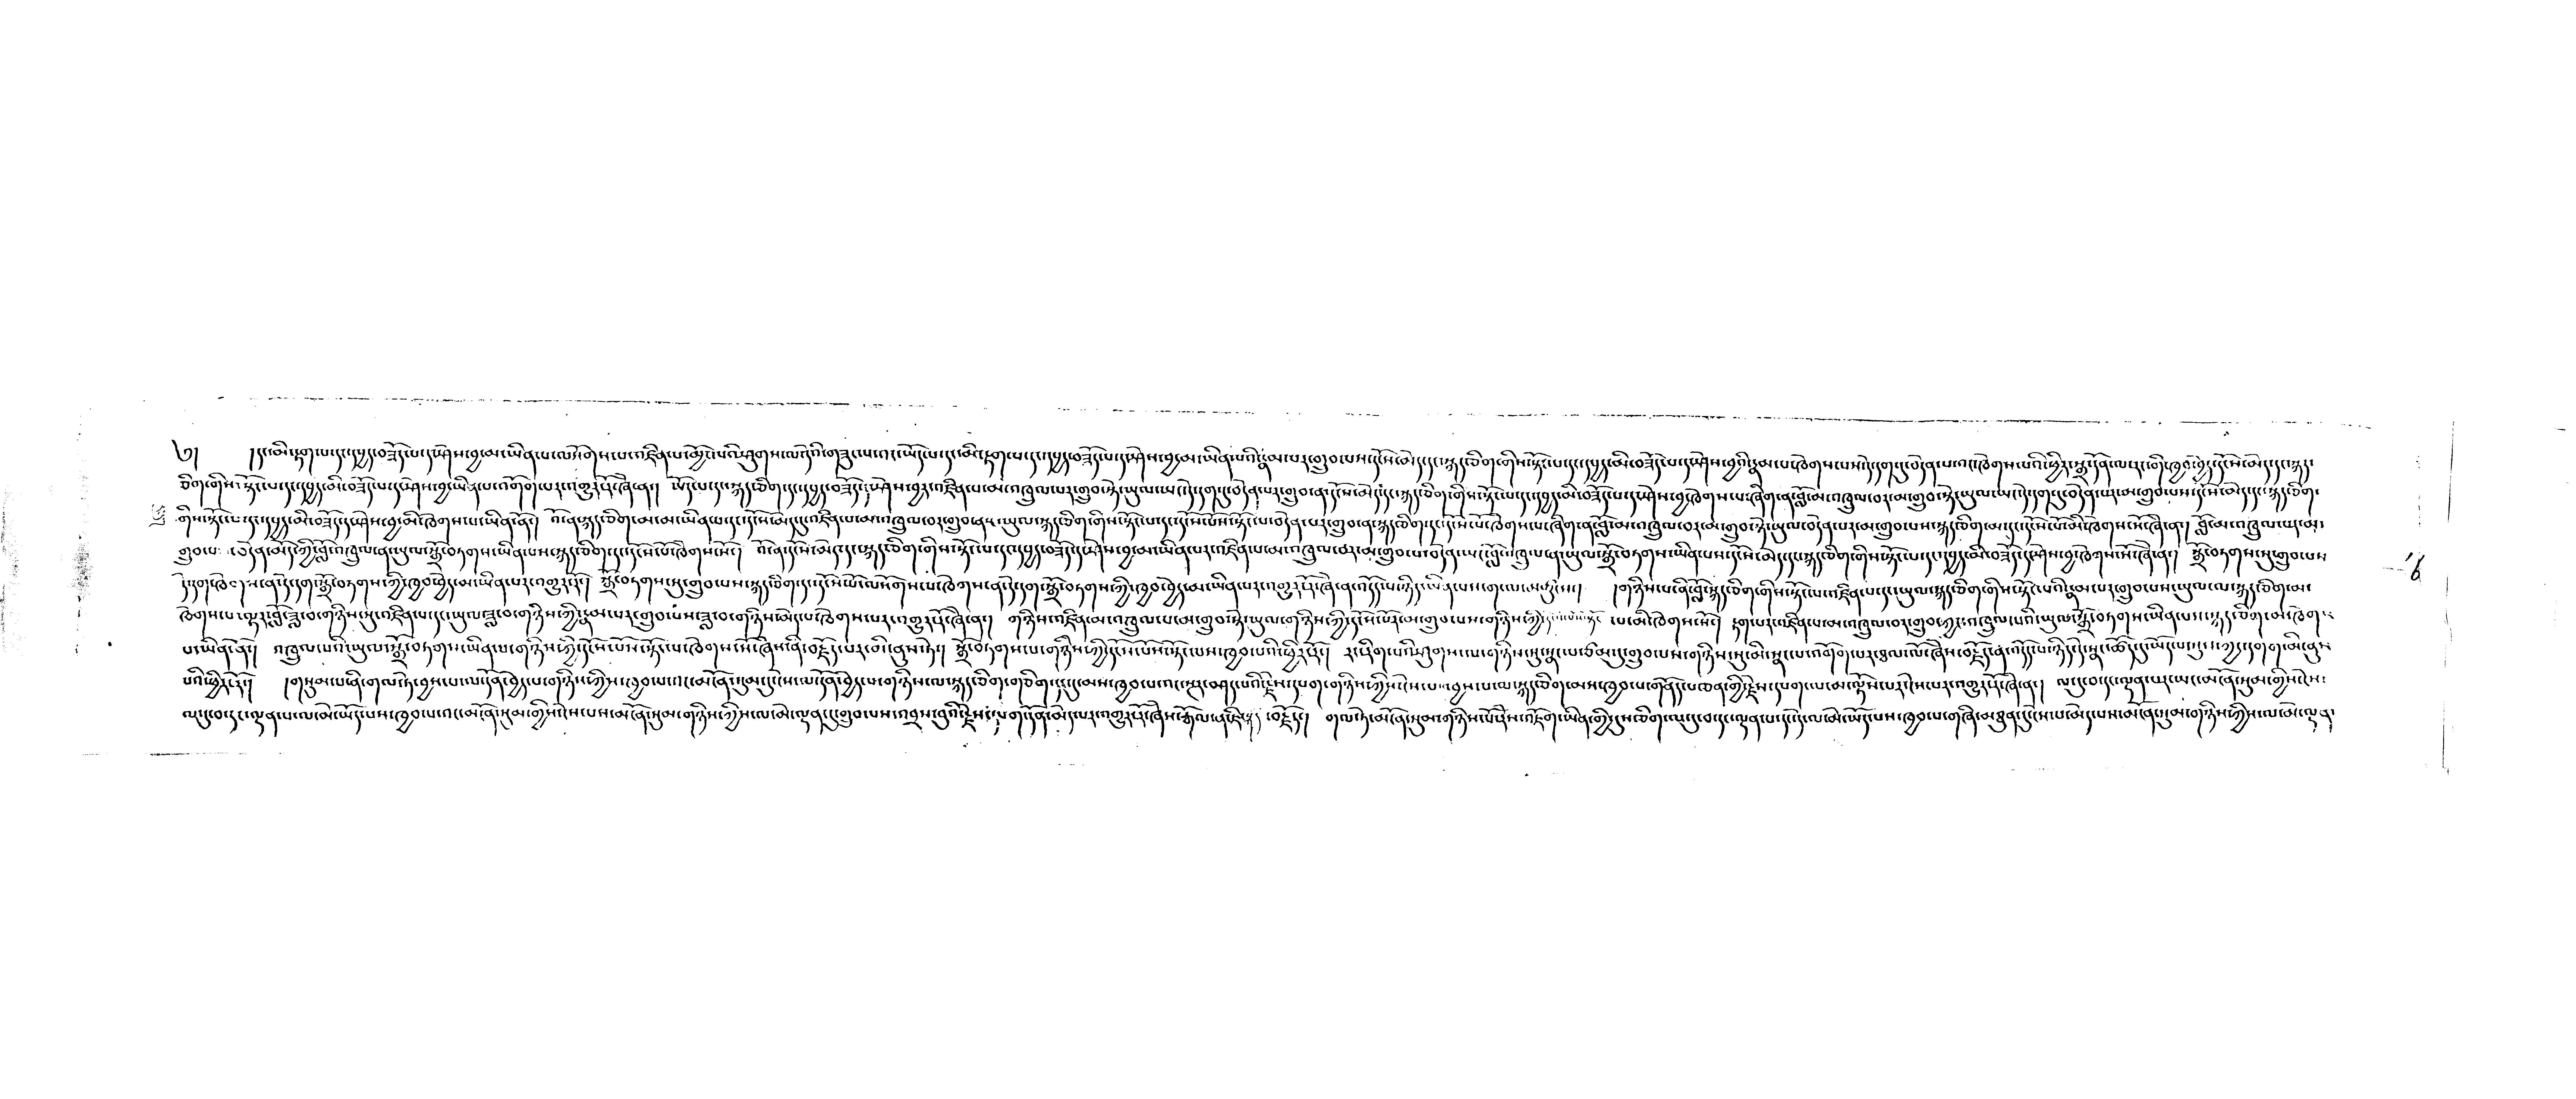༈། །དང་མི་རྟག་པ་དང་དཔྱད་བཟོད་པ་དང་ཤེས་བྱ་མ་ཡིན་པ་ལ་སོགས་པ་འཛིན་པ་མྱོང་པའི་ཤུགས་ལ་དེའི་གཟུང་པ་འང་ཡོད་པ་དང་མི་རྟག་པ་དང་དཔྱད་བཟོད་པ་དང་ཤེས་བྱ་མ་ཡིན་པའི་རྣམ་པར་གྲུབ་པས་དངོས་མེད་དང་སྐད་ཅིག་གིས་སྟོང་པ་དང་དཔྱད་མི་བཟོད་པ་དང་ཤེས་བྱའི་རྣམ་པ་ཁེགས་པས་དེ་དག་དུ་བདེན་པ་འང་ཁེགས་པའི་ཕྱིར་སྒྲ་དོན་ལ་རང་གི་ཁྱབ་བྱེད་དངོས་མེད་དང་སྐད་
ཅིག་གིས་སྟོང་པ་དང་དཔྱད་མི་བཟོད་པ་དང་ཤེས་བྱ་ཡིན་པ་འགོག་པར་འགྱུར་རོ་ཞེ་ན། ཡོད་པ་དང་སྐད་ཅིག་དང་དཔྱད་བཟོད་དང་ཤེས་བྱར་འཛིན་པ་མ་འཁྲུལ་པར་གྲུབ་སྟེ་ཡུལ་ཡང་དེ་དག་དུ་བདེན་པར་གྲུབ་ན་དངོས་མེད་དང་སྐད་ཅིག་གིས་སྟོང་པ་དང་དབྱད་མི་བཟོད་པ་དང་ཤེས་བྱ་ཁེགས་པ་ཞིག་ན་བློ་མ་འཁྲུལ་བར་མ་གྲུབ་སྟེ་ཡུལ་ཡང་དེ་དག་དུ་བདེན་པར་མ་གྲུབ་པས་དངོས་མེད་དང་སྐད་ཅིག་
གིས་སྟོང་པ་དང་དཔྱད་མི་བཟོད་དང་ཤེས་བྱ་མི་ཁེགས་པ་ཡིན་ནོ། འོ་ན་སྐད་ཅིག་མ་མ་ཡིན་པ་དང་དངོས་མེད་དུ་འཛིན་པ་མ་འཁྲུལ་བར་གྲུབ་ནས་ཡུལ་སྐད་ཅིག་གིས་སྟོང་པ་དང་དངོས་པོས་སྟོང་པ་བདེན་པར་གྲུབ་ན་སྐད་ཅིག་དང་དངོས་པོ་ཁེགས་པ་ཞིག་ན་བློ་མ་འཁྲུལ་བར་མ་གྲུབ་སྟེ་ཡུལ་བདེན་པར་མ་གྲུབ་པས་སྐད་ཅིག་མ་དང་དངོས་པོ་མི་ཁེགས་སོ་ཞེ་ན། བློ་མ་འཁྲུལ་པར་མ་
གྲུབ་པ་བདེན་མོད་ཀྱི་བློ་འཁྲུལ་ན་ཡུལ་སྒྲོ་བཏགས་ཡིན་པས་སྐད་ཅིག་དང་དངོས་པོ་ཁེགས་སོ། འོ་ན་དངོས་མེད་དང་སྐད་ཅིག་གིས་སྟོང་པ་དང་དཔྱད་བཟོད་དང་ཤེས་བྱ་མ་ཡིན་པར་འཛིན་པ་མ་འཁྲུལ་བར་མ་གྲུབ་པ་བདེན་ཡང་བློ་འཁྲུལ་ན་ཡུལ་སྒྲོ་བཏགས་ཡིན་པས་དངོས་མེད་དང་སྐད་ཅིག་གིས་སྟོང་པ་དང་དཔྱད་མི་བཟོད་དང་ཤེས་བྱ་ཁེགས་སོ་ཞེ་ན། སྒྲོ་བཏགས་སུ་གྲུབ་པས་
དེ་དག་ཁེགས་ན་དེ་དག་སྒྲོ་བཏགས་ཀྱི་ཁྱབ་བྱེད་མ་ཡིན་པར་འགྱུར་རོ། སྒྲོ་བཏགས་སུ་གྲུབ་པས་སྐད་ཅིག་དང་དངོས་པོ་ལ་སོགས་པ་ཁེགས་ན་དེ་དག་སྒྲོ་བཏགས་ཀྱི་ཁྱབ་བྱེད་མ་ཡིན་པར་འགྱུར་རོ་ཞེ་ན་འདོད་པ་ཉིད་ཡིན་པས་ག་ལ་མཚུངས། །གཉིས་པ་ནི་བློ་སྐད་ཅིག་གིས་སྟོང་པ་འཛིན་པ་དང་ཡུལ་སྐད་ཅིག་གིས་སྟོང་པའི་རྣམ་པར་གྲུབ་པས་ཡུལ་ལ་སྐད་ཅིག་མ་
ཁེགས་པ་ལྟར་བློ་ཟླ་བ་གཉིས་སུ་འཛིན་པ་དང་ཡུལ་ཟླ་བ་གཉིས་ཀྱི་རྣམ་པར་གྲུབ་པས་ཟླ་བ་གཉིས་མེད་པ་ཁེགས་པར་འགྱུར་རོ་ཞེ་ན། གཉིས་འཛིན་མ་འཁྲུལ་པ་མ་གྲུབ་སྟེ་ཡུལ་གཉིས་ཀྱི་དངོས་པོར་མ་གྲུབ་པས་གཉིས་ཀྱི་དངོས་པོས་སྟོང་པ་མི་ཁེགས་སོ། རྟག་པར་འཛིན་པ་མ་འཁྲུལ་བར་གྲུབ་ཀྱང་འཁྲུལ་པའི་ཡུལ་སྒྲོ་བཏགས་ཡིན་པས་སྐད་ཅིག་མ་ཁེགས་
པ་ཡིན་ནོ། འཁྲུལ་པའི་ཡུལ་སྒྲོ་བཏགས་ཡིན་པ་གཉིས་ཀྱི་དངོས་པོས་སྟོང་པ་ཁེགས་སོ་ཞེས་ནི་བརྗོད་པར་མི་ནུས་ཏེ། སྒྲོ་བཏགས་པ་གཉིས་ཀྱི་དངོས་པོས་སྟོང་པས་ཁྱབ་པའི་ཕྱིར་རོ། རང་རིག་པའི་ཤུགས་ལ་གཉིས་སུ་སྣང་པ་ཙམ་དུ་གྲུབ་པས་གཉིས་སུ་མི་སྣང་པ་འགོག་པར་ཐལ་ལོ་ཞེས་བརྗོད་ན་འདོད་པ་ཉིད་དེ་སྣང་ཚོད་དུ་ཡོད་པ་དུས་ཀྱང་དགག་མི་ནུས་
པའི་ཕྱིར་རོ། །གསུམ་པ་ནི་གལ་ཏེ་བྱས་པ་ལ་དོན་བྱེད་པ་གཉིས་ཀྱིས་ཁྱབ་པ་འང་མངོན་སུམ་དུ་ངེས་ལ་དོན་བྱེད་པ་གཉིས་ལ་སྐད་ཅིག་གཅིག་དང་དུ་མས་ཁྱབ་པ་འང་སྔར་བཤད་པའི་རྗེས་དཔག་གཉིས་ཀྱིས་ངེས་པས་བྱས་པ་ལ་སྐད་ཅིག་མས་ཁྱབ་པ་གནོད་པ་ཅན་གྱི་རྗེས་དཔག་ལ་མ་ལྟོས་པར་ངེས་པར་འགྱུར་རོ་ཞེ་ན། ལ་དུ་བ་དང་ལྡན་པར་ཡང་མངོན་སུམ་གྱིས་ངེས་
ལ་དུ་བ་དང་ལྡན་པ་ལ་མེ་ཡོད་པས་ཁྱབ་པ་འང་མངོན་སུམ་གྱིས་ངེས་པས་མངོན་སུམ་གཉིས་ཀྱིས་ལ་མེ་ལྡན་དུ་གྲུབ་པས་འབྲས་བུའི་རྗེས་དཔག་དོན་མེད་པར་འགྱུར་རོ་ཞེས་རྒོལ་ན་ཇི་སྐད་བརྗོད། གལ་ཏེ་མངོན་སུམ་གཉིས་པོ་རེས་འཇོག་ཡིན་གྱི་དུས་ཅིག་ལ་དུ་བ་དང་ལྡན་པ་དང་དེ་ལ་མེ་ཡོད་པས་ཁྱབ་པ་གཞི་མཐུན་དུ་ངེས་པ་མེད་པས་མངོན་སུམ་གཉིས་ཀྱིས་ལ་མེ་ལྡན་